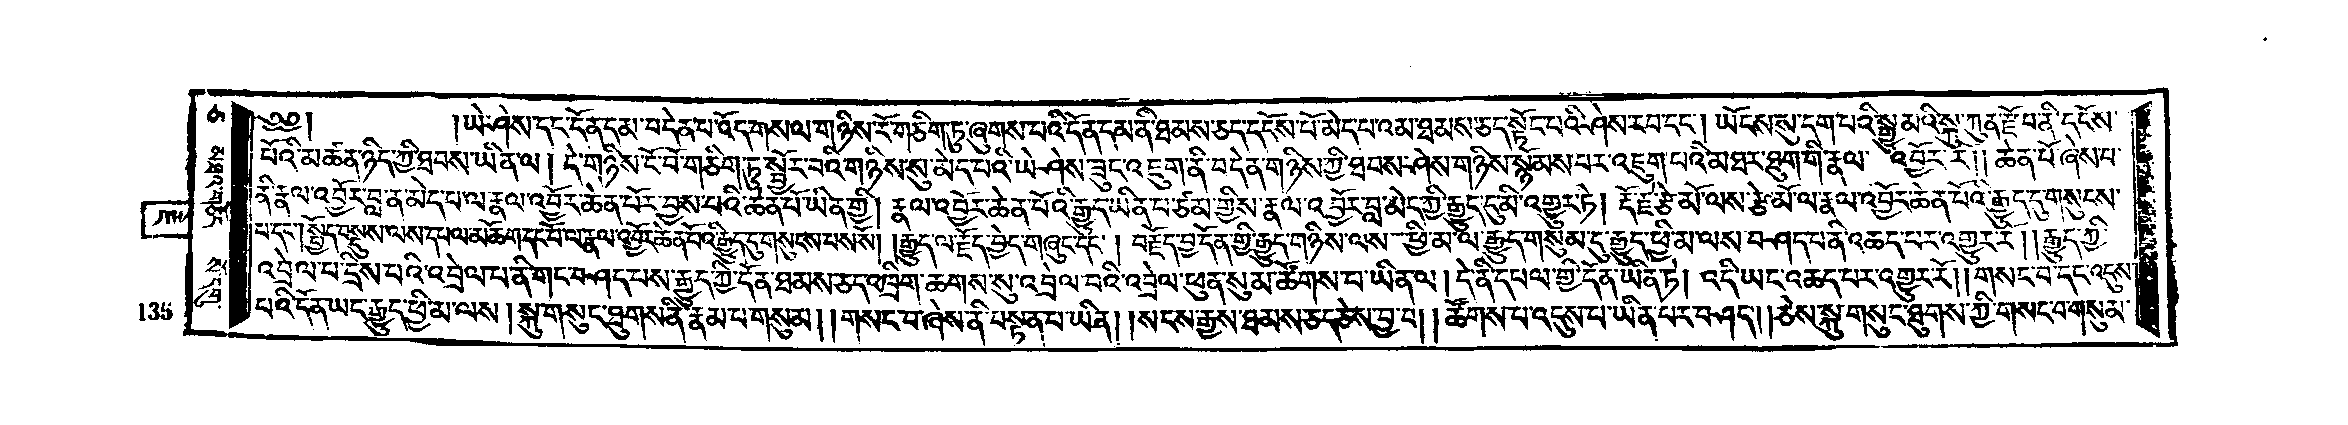༄༅། །ཡེ་ཤེས་དང་དོན་དམ་བདེན་པ་འོད་གསལ་གཉིས་རོ་གཅིག་ཏུ་ཞུགས་པའི་དོན་དམ་ནི་ཐམས་ཅད་དངོས་པོ་མེད་པ་འམ་ཐམས་ཅད་སྟོང་པའི་ཤེས་རབ་དང་། ཡོངས་སུ་དག་པའི་སྒྱུ་མའི་སྐུ་ཀུན་རྫོབ་ནི་དངོས་
པོའི་མཚན་ཉིད་ཀྱི་ཐབས་ཡིན་ལ། དེ་གཉིས་ངོ་བོ་གཅིག་ཏུ་སྦྱོར་བའི་གཉིས་སུ་མེད་པའི་ཡེ་ཤེས་ཟུང་འཇུག་ནི་བདེན་གཉིས་ཀྱི་ཐབས་ཤེས་གཉིས་སྙོམས་པར་འཇུག་པའི་མཐར་ཐུག་གི་རྣལ་འབྱོར་རོ། །ཆེན་པོ་ཞེས་པ་
ནི་རྣལ་འབྱོར་བླ་ན་མེད་པ་ལ་རྣལ་འབྱོར་ཆེན་པོར་བྱས་པའི་ཆེན་པོ་ཡིན་གྱི། རྣལ་འབྱོར་ཆེན་པོའི་རྒྱུད་ཡིན་པ་ཙམ་གྱིས་རྣལ་འབྱོར་བླ་མེད་ཀྱི་རྒྱུད་དུ་མི་འགྱུར་ཏེ། རྡོ་རྗེ་རྩེ་མོ་ལས་རྩེ་མོ་ལ་རྣལ་འབྱོར་ཆེན་པོའི་རྒྱུད་དུ་གསུངས་
པ་དང་། སྤྱོད་བསྡུས་ལས་དཔལ་མཆོག་དང་པོ་ལ་རྣལ་འབྱོར་ཆེན་པོའི་རྒྱུད་དུ་གསུངས་པས་སོ། །རྒྱུད་ལ་རྗོད་བྱེད་གཞུང་དང་། བརྗོད་བྱ་དོན་གྱི་རྒྱུད་གཉིས་ལས་ཕྱི་མ་ལ་རྒྱུད་གསུམ་དུ་རྒྱུད་ཕྱི་མ་ལས་བཤད་པ་ནི་འཆད་པར་འགྱུར་རོ། །རྒྱུད་ཀྱི་
འབྲེལ་པ་དྲིས་པའི་འབྲེལ་པ་ནི་གང་བཤད་པས་རྒྱུད་ཀྱི་དོན་ཐམས་ཅད་འཁྲིག་ཆགས་སུ་འབྲེལ་བའི་འབྲེལ་ཕུན་སུམ་ཚོགས་པ་ཡིན་ལ། དེ་ནི་དཔལ་གྱི་དོན་ཡིན་ཏེ། འདི་ཡང་འཆད་པར་འགྱུར་རོ། །གསང་བ་དང་འདུས་
པའི་དོན་ཡང་རྒྱུད་ཕྱི་མ་ལས། སྐུ་གསུང་ཐུགས་ནི་རྣམ་པ་གསུམ། །གསང་བ་ཞེས་ནི་བསྟན་པ་ཡིན། །སངས་རྒྱས་ཐམས་ཅད་ཅེས་བྱ་བ། །ཚོགས་པ་འདུས་པ་ཡིན་པར་བཤད། །ཅེས་སྐུ་གསུང་ཐུགས་ཀྱི་གསང་བ་གསུམ་